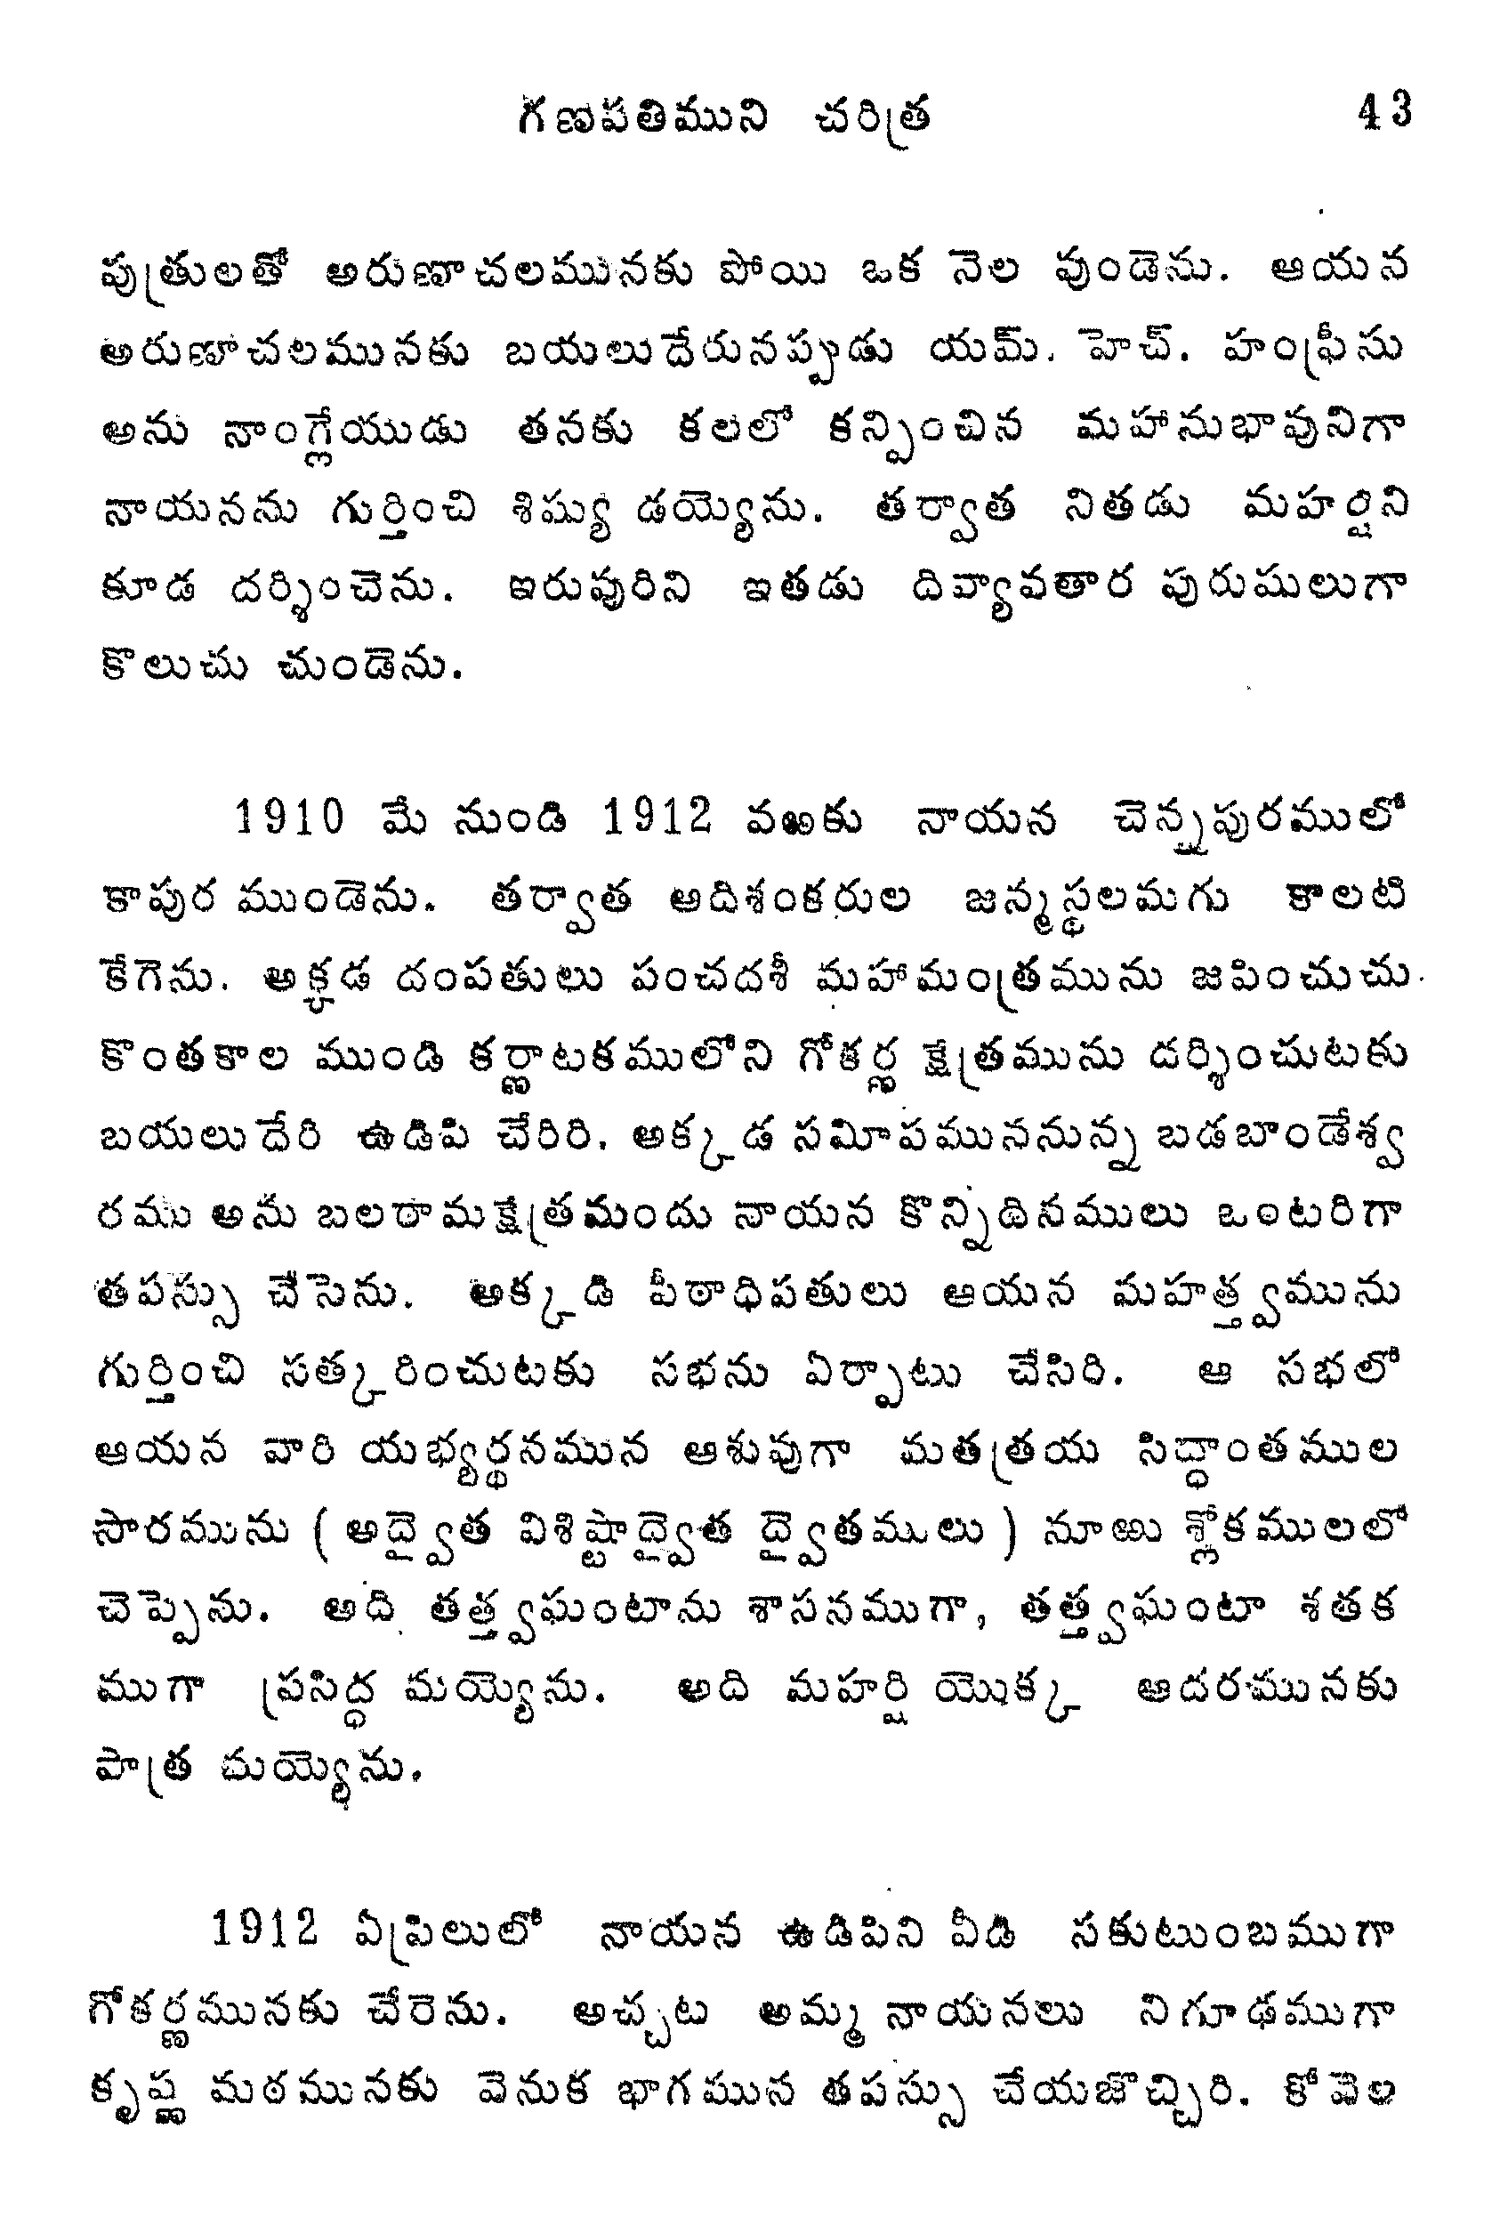పుత్రులతో అరుణాచలమునకు పోయి ఒక నెల వుండెను. ఆయన అరుణాచలమునకు బయలుదేరునప్పుడు యమ్. హెచ్. హంఫ్రీసు అను నాంగ్లేయుడు తనకు కలలో కన్పించిన మహానుభావునిగా నాయనను గుర్తించి శిష్యు డయ్యెను. తర్వాత నితడు మహర్షిని కూడ దర్శించెను. ఇరువురిని ఇతడు దివ్యావతార పురుషులుగా కొలుచు చుండెను.

1910 మే నుండి 1912 వఱకు నాయన చెన్నపురములో కాపుర ముండెను. తర్వాత ఆదిశంకరుల జన్మస్థలమగు కాలటి కేగెను. అక్కడ దంపతులు పంచదశీ మహామంత్రమును జపించుచు కొంతకాల ముండి కర్ణాటకములోని గోకర్ణ క్షేత్రమును దర్శించుటకు బయలుదేరి ఉడిపి చేరిరి. అక్కడ సమీపముననున్న బడబాండేశ్వరము అను బలరామక్షేత్రమందు నాయన కొన్నిదినములు ఒంటరిగా తపస్సు చేసెను. అక్కడి పీఠాధిపతులు ఆయన మహత్త్వమును గుర్తించి సత్కరించుటకు సభను ఏర్పాటు చేసిరి. ఆ సభలో ఆయన వారి యభ్యర్థనమున ఆశువుగా మతత్రయ సిద్ధాంతముల సారమును (అద్వైత విశిష్టాద్వైత ద్వైతములు) నూఱు శ్లోకములలో చెప్పెను. అది తత్త్వఘంటాను శాసనముగా, తత్త్వఘంటా శతకముగా ప్రసిద్ధ మయ్యెను. అది మహర్షి యొక్క ఆదరమునకు పాత్ర మయ్యెను.

1912 ఏప్రిలులో నాయన ఉడిపిని వీడి సకుటుంబముగా గోకర్ణమునకు చేరెను. అచ్చట అమ్మ నాయనలు నిగూఢముగా కృష్ణ మఠమునకు వెనుక భాగమున తపస్సు చేయజొచ్చిరి. కోవెల